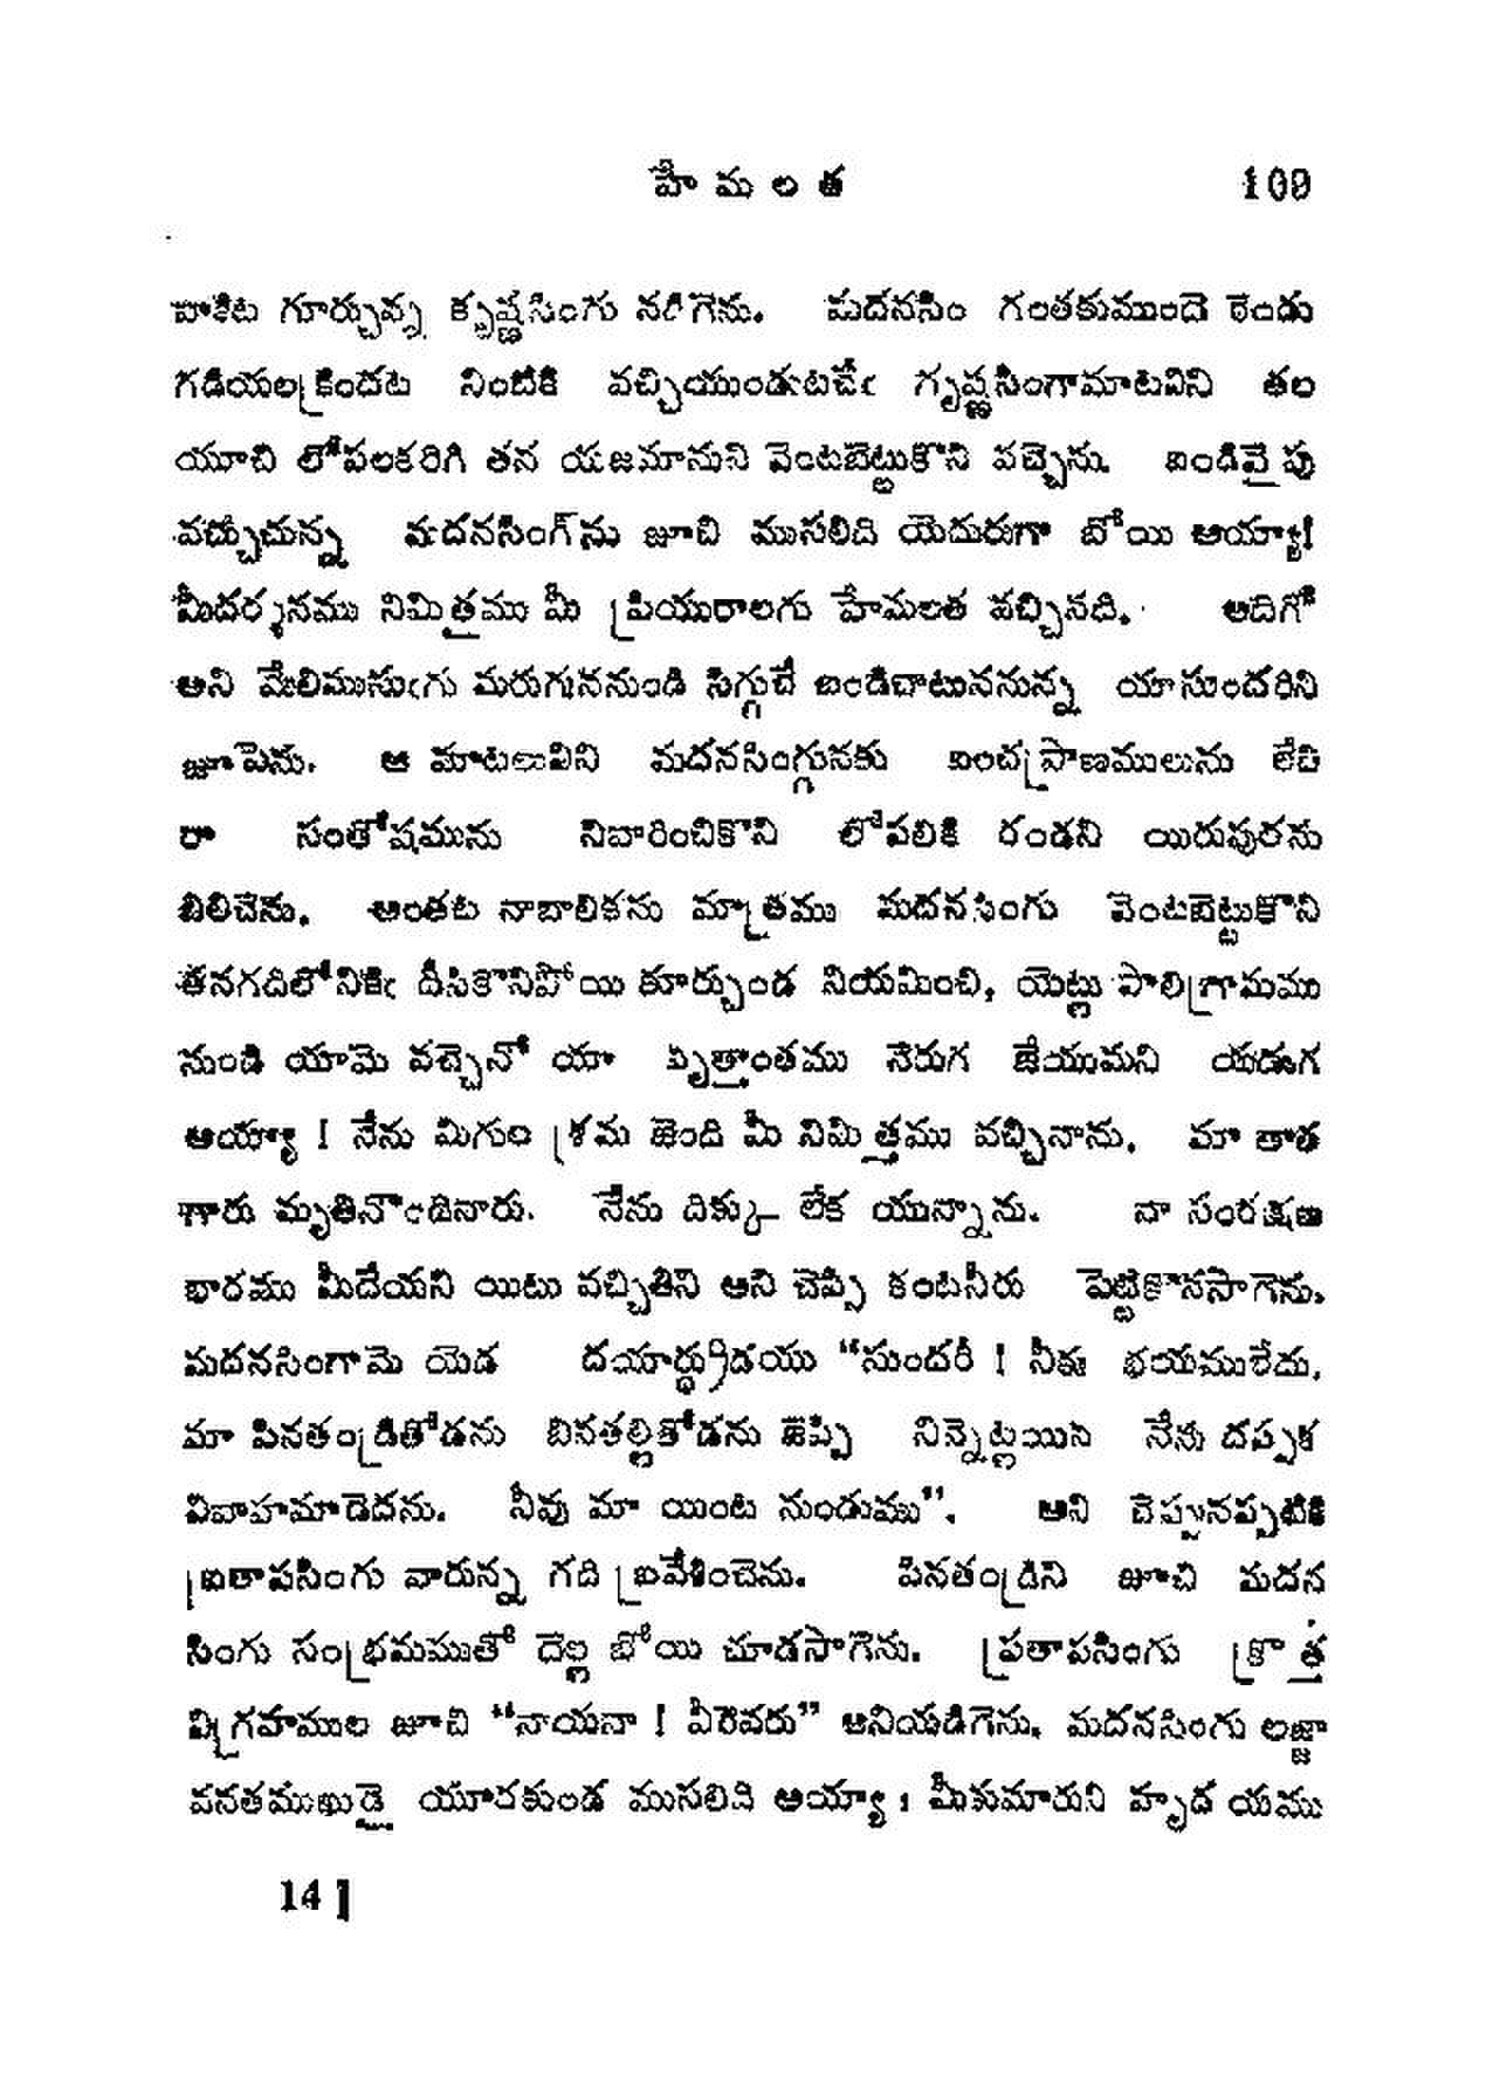వాకిట గూర్చున్న కృష్ణసింగు నడిగెను. మదనసిం గంతకుముందె రెండు గడియలక్రిందట నింటికి వచ్చియుండుటచేఁ గృష్ణసింగామాటవిని తలయూచి లోపలికరిగి తన యజమానుని వెంటబెట్టుకొని వచ్చెను. బండివైపు వచ్చుచున్న మదనసింగును జూచి ముసలిది యెదురుగా బోయి అయ్యా! మీ దర్శనము నిమిత్తము మీ ప్రియురాలగు హేమలత వచ్చినది. అదిగో అని మేలిముసుగు మరుగుననుండి సిగ్గుచే బండిచాటుననున్న యాసుందరిని జూపెను. ఆ మాటలువిని మదనసింగునకు బంచప్రాణములును లేచి రా సంతోషమును నివారించుకొని లోపలికి రండని యిరువురను బిలిచెను. అంతట నాబాలికను మాత్రము మదనసింగు వెంటబెట్టుకొని తనగదిలోనికి దీసికొనిపోయి కూర్చుండ నియమించి, యెట్లు పాలిగ్రామము నుండి యామె వచ్చెనో యా వృత్తాంతము నెరుగ జేయుమని యడుగ అయ్యా! నేను మిగుల శ్రమజెంది మీ నిమిత్తము వచ్చినాను. మాతాత గారు మృతినొందినారు. నేను దిక్కులేక యున్నాను. నాసంరక్షణ భారము మీదేయని యిటు వచ్చితిని అని చెప్పి కంటనీరు పెట్టుకొనసాగెను. మదనసింగామె యెడ దయార్ద్రుడయు “సుందరీ! నీకు భయములేదు. మాపినతండ్రితోడను బినతల్లితొడను జెప్పి నిన్నెట్లయిన నేను దప్పక వివాహమాడెదను. నీవు మాయింట నుండుము” అని చెప్పునప్పటికి బ్రతాపసింగు సంభ్రమముతో దెల్ల బోయి చూడసాగెను. ప్రతాపసింగు క్రొత్త విగ్రహముల జూచి “నాయనా! వీరెవరు” అనియడిగెను. మదనసింగు లజ్జావనతముఖుడై యూరకుండ ముసలిది అయ్యా! మీకుమారుని హృదయము